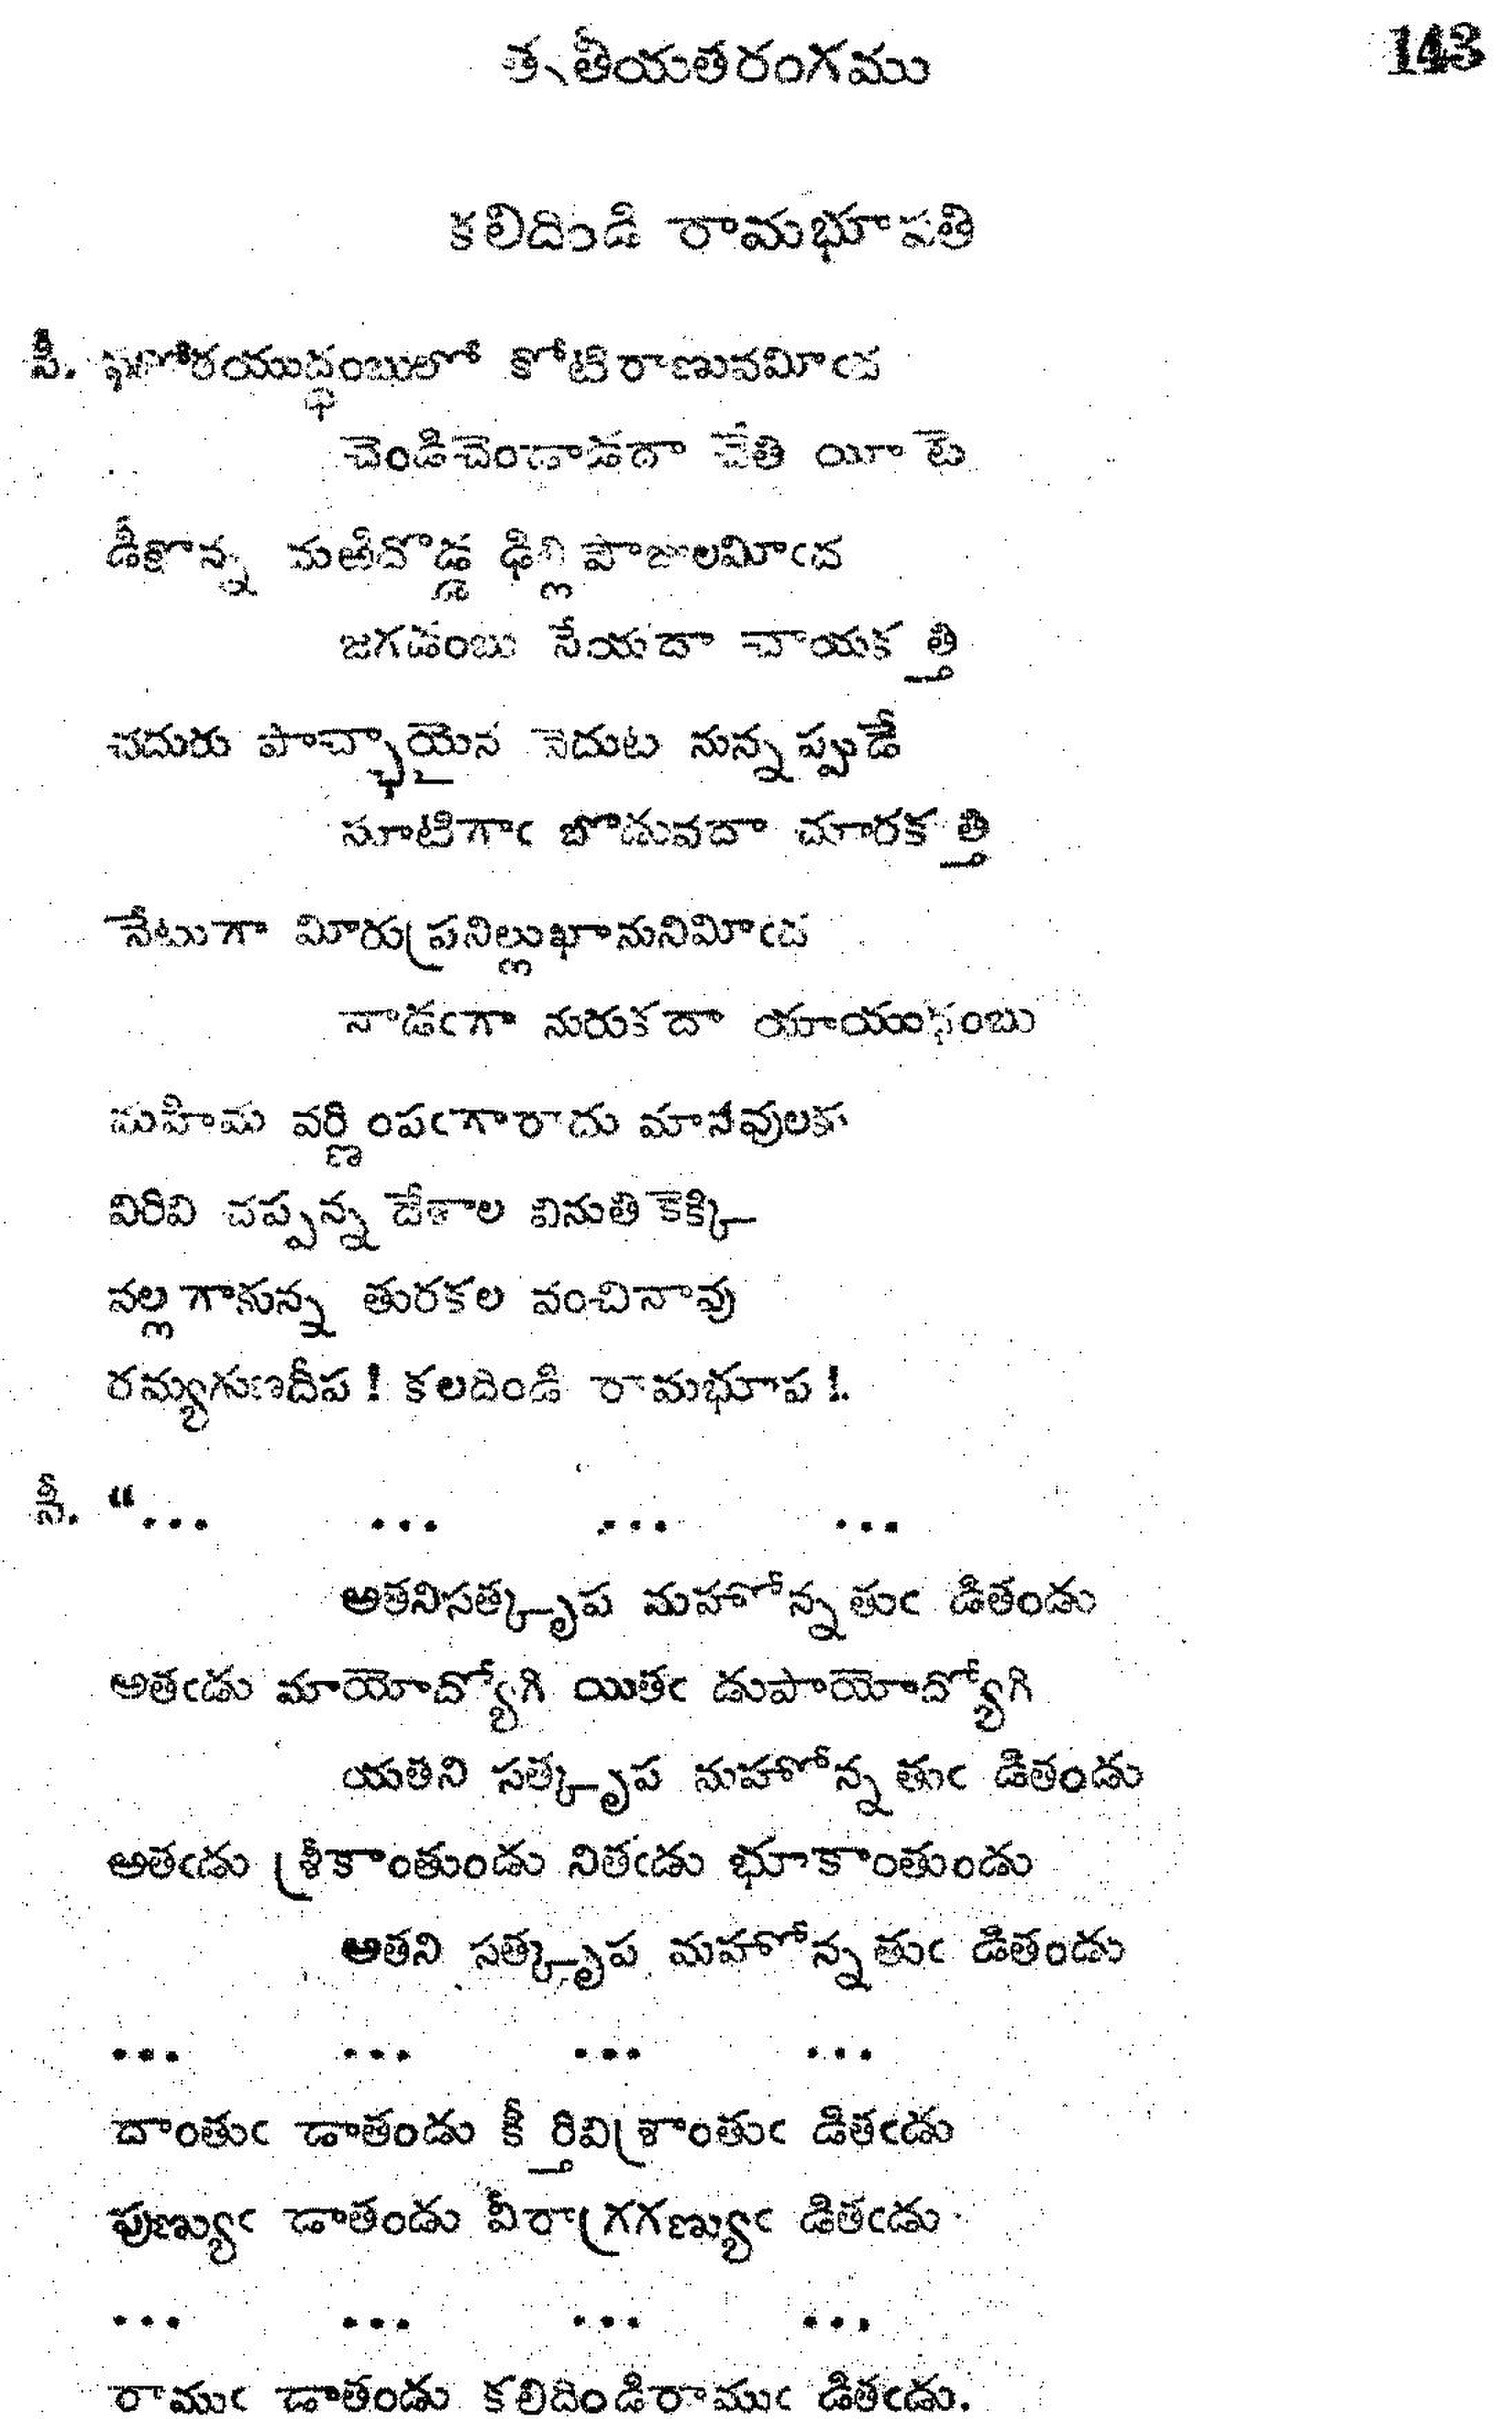సీ. ఘోరయుద్ధంబులో కోటిరాణువమీఁద
 చెండిచెండాడదా చేతియీటె
 డీకొన్న మఱిదొడ్డ ఢిల్లిపౌజులమీఁద
 జగడంబు సేయదా చాయకత్తి
 చదురు పాచ్ఛాయైన నెదుట నున్నప్పుడే
 సూటిగాఁ బొడువదా చూరకత్తి
 నేటుగా మీరుప్రనిల్లుఖానునిమీఁద
 నాఁడగా నురుకదా యాయుధంబు
 మహిమ వర్ణింపఁగారాదు మానవులకు
 విరివి చప్పన్నదేశాల వినుతి కెక్కి
 వల్లగాకున్న తురకల వంచినావు
 రమ్యగుణదీప! కలదిండి రామభూప!

సీ. ...............................................
 అతనిసత్కృప మహోన్నతుఁ డితండు
 అతఁడు మాయోద్యోగి యిఁత డుపాయోద్యోగి
 యతనిసత్కృప మహోన్నతుఁ డితండు
 అతఁడు శ్రీకాంతుండు నితఁడు భూకాంతుండు
 అతనిసత్కృప మహోన్నతుఁ డితండు
 ...........................................................
 ..................................................
 దాంతుఁ డాతండు కీర్తివిశ్రాంతుఁ డితఁడు
 పుణ్యుఁ డాతండు వీరాగ్రగణ్యుఁ డితఁఢు
 ...................................................
 రాముఁ డాతండు కలిదిండిరాముఁ డితఁడు.